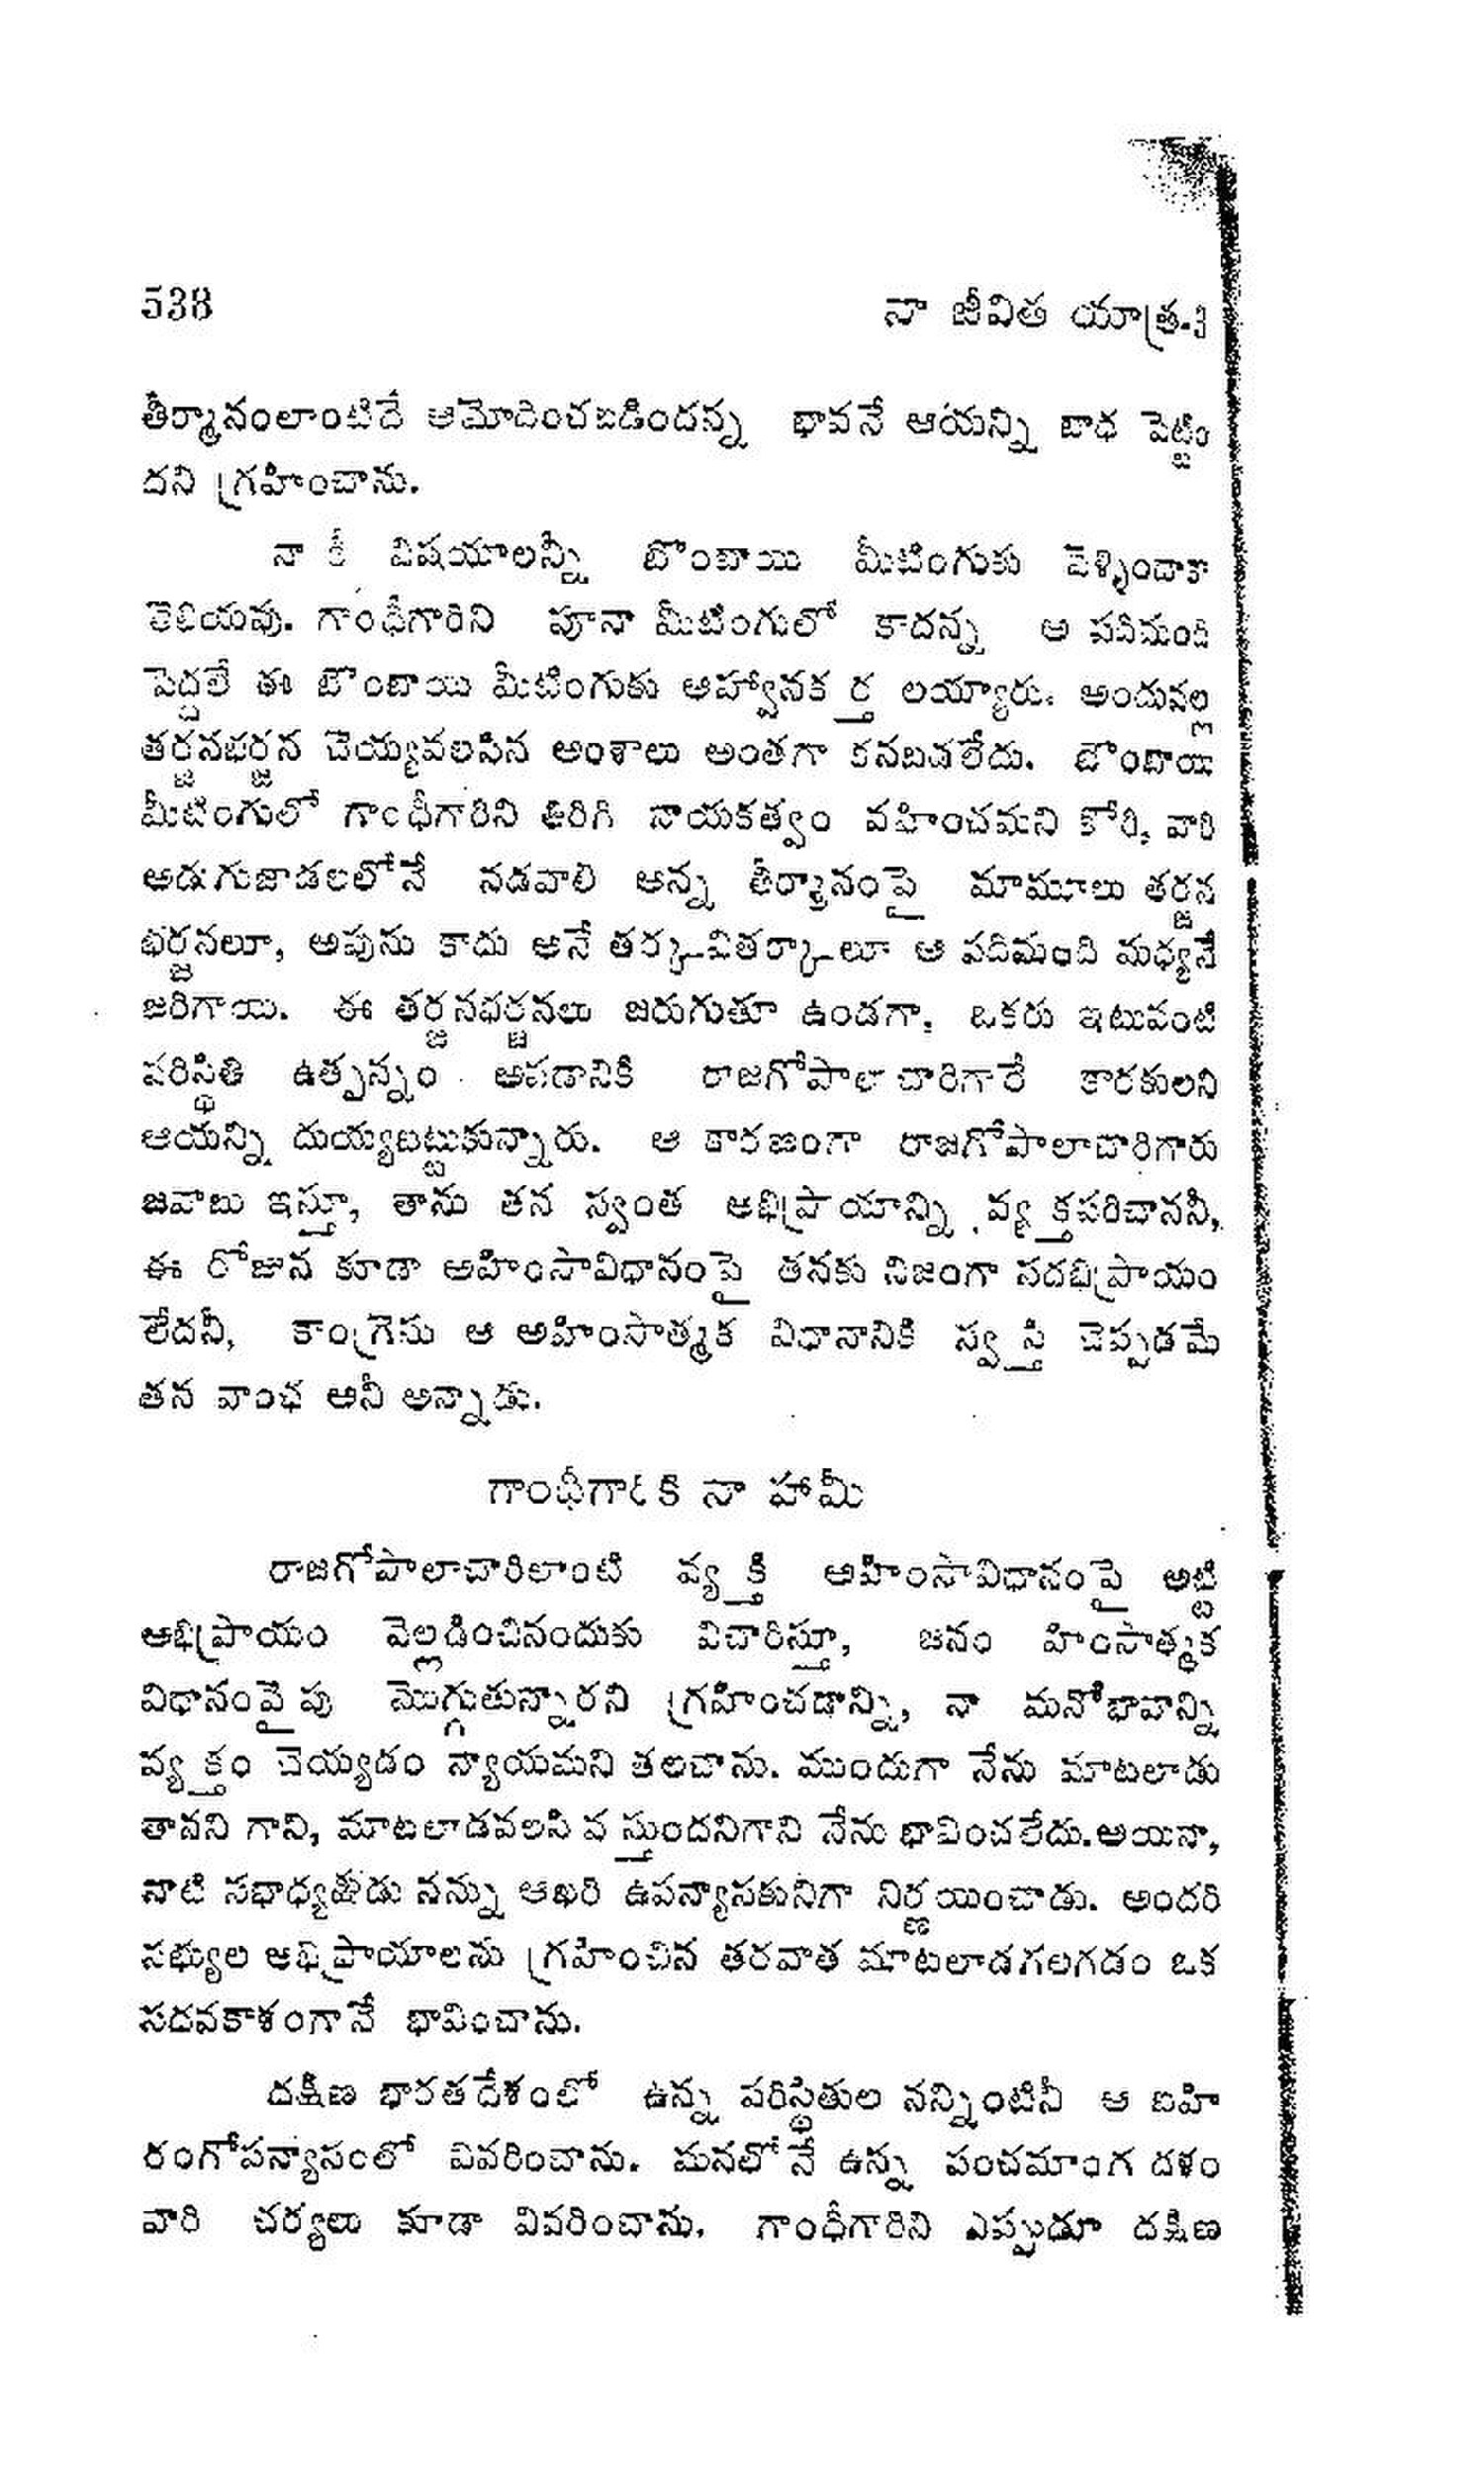తీర్మానంలాంటిదే ఆమోదించబడిందన్న భావనే ఆయన్ని బాధ పెట్టిందని గ్రహించాను.

నా కీ విషయాలన్నీ బొంబాయి మీటింగుకు వెళ్ళిందాకా తెలియవు. గాంధీగారిని పూనా మీటింగులో కాదన్న ఆ పదిమంది పెద్దలే ఈ బొంబాయి మీటింగుకు ఆహ్వానకర్త లయ్యారు. అందువల్ల తర్జనభర్జన చెయ్యవలసిన అంశాలు అంతగా కనబడలేదు. బొంబాయి మీటింగులో గాంధీగారిని తిరిగి నాయకత్వం వహించమని కోరి, వారి అడుగుజాడలలోనే నడవాలి అన్న తీర్మానంపై మామూలు తర్జన భర్జనలూ, అవును కాదు అనే తర్కవితర్కాలు ఆ పదిమంది మధ్యనే జరిగాయి. ఈ తర్జనభర్జనలు జరుగుతూ ఉండగా, ఒకరు ఇటువంటి పరిస్థితి ఉత్పన్నం అవడానికి రాజగోపాలాచారిగారే కారకులని ఆయన్ని దుయ్యబట్టుకున్నారు. ఆ కారణంగా రాజగోపాలాచారిగారు జవాబు ఇస్తూ, తాను తన స్వంత అభిప్రాయాన్ని వ్యక్తపరిచాననీ, ఈ రోజున కూడా అహింసా విధానంపై తనకు నిజంగా సదభిప్రాయం లేదనీ, కాంగ్రెసు ఆ అహింసాత్మక విధానానికి స్వస్తి చెప్పడమే తన వాంఛ అనీ అన్నాడు.

రాజగోపాలాచారిలాంటి వ్యక్తి అహింసావిధానంపై అట్టి అభిప్రాయం వెల్లడించినందుకు విచారిస్తూ, జనం హింసాత్మక విధానంవైపు మొగ్గుతున్నారని గ్రహించడాన్ని, నా మనోభావాన్ని వ్యక్తం చెయ్యడం న్యాయమని తలచాను. ముందుగా నేను మాటలాడుతానని గాని, మాటలాడవలసి వస్తుందనిగాని నేను భావించలేదు. అయినా, నాటి సభాధ్యక్షుడు నన్ను ఆఖరి ఉపన్యాసకునిగా నిర్ణయించారు. అందరి సభ్యుల అభిప్రాయాలను గ్రహించిన తరవాత మాటలాడగలగడం ఒక సదవకాశంగానే భావించాను.

దక్షిణ భారతదేశంలో ఉన్న పరిస్థితుల నన్నింటినీ ఆ బహిరంగోపన్యాసంలో వివరించాను. మనలోనే ఉన్న పంచమాంగ దళం వారి చర్యలు కూడా వివరించాను. గాంధీ గారిని ఎప్పుడూ దక్షిణ